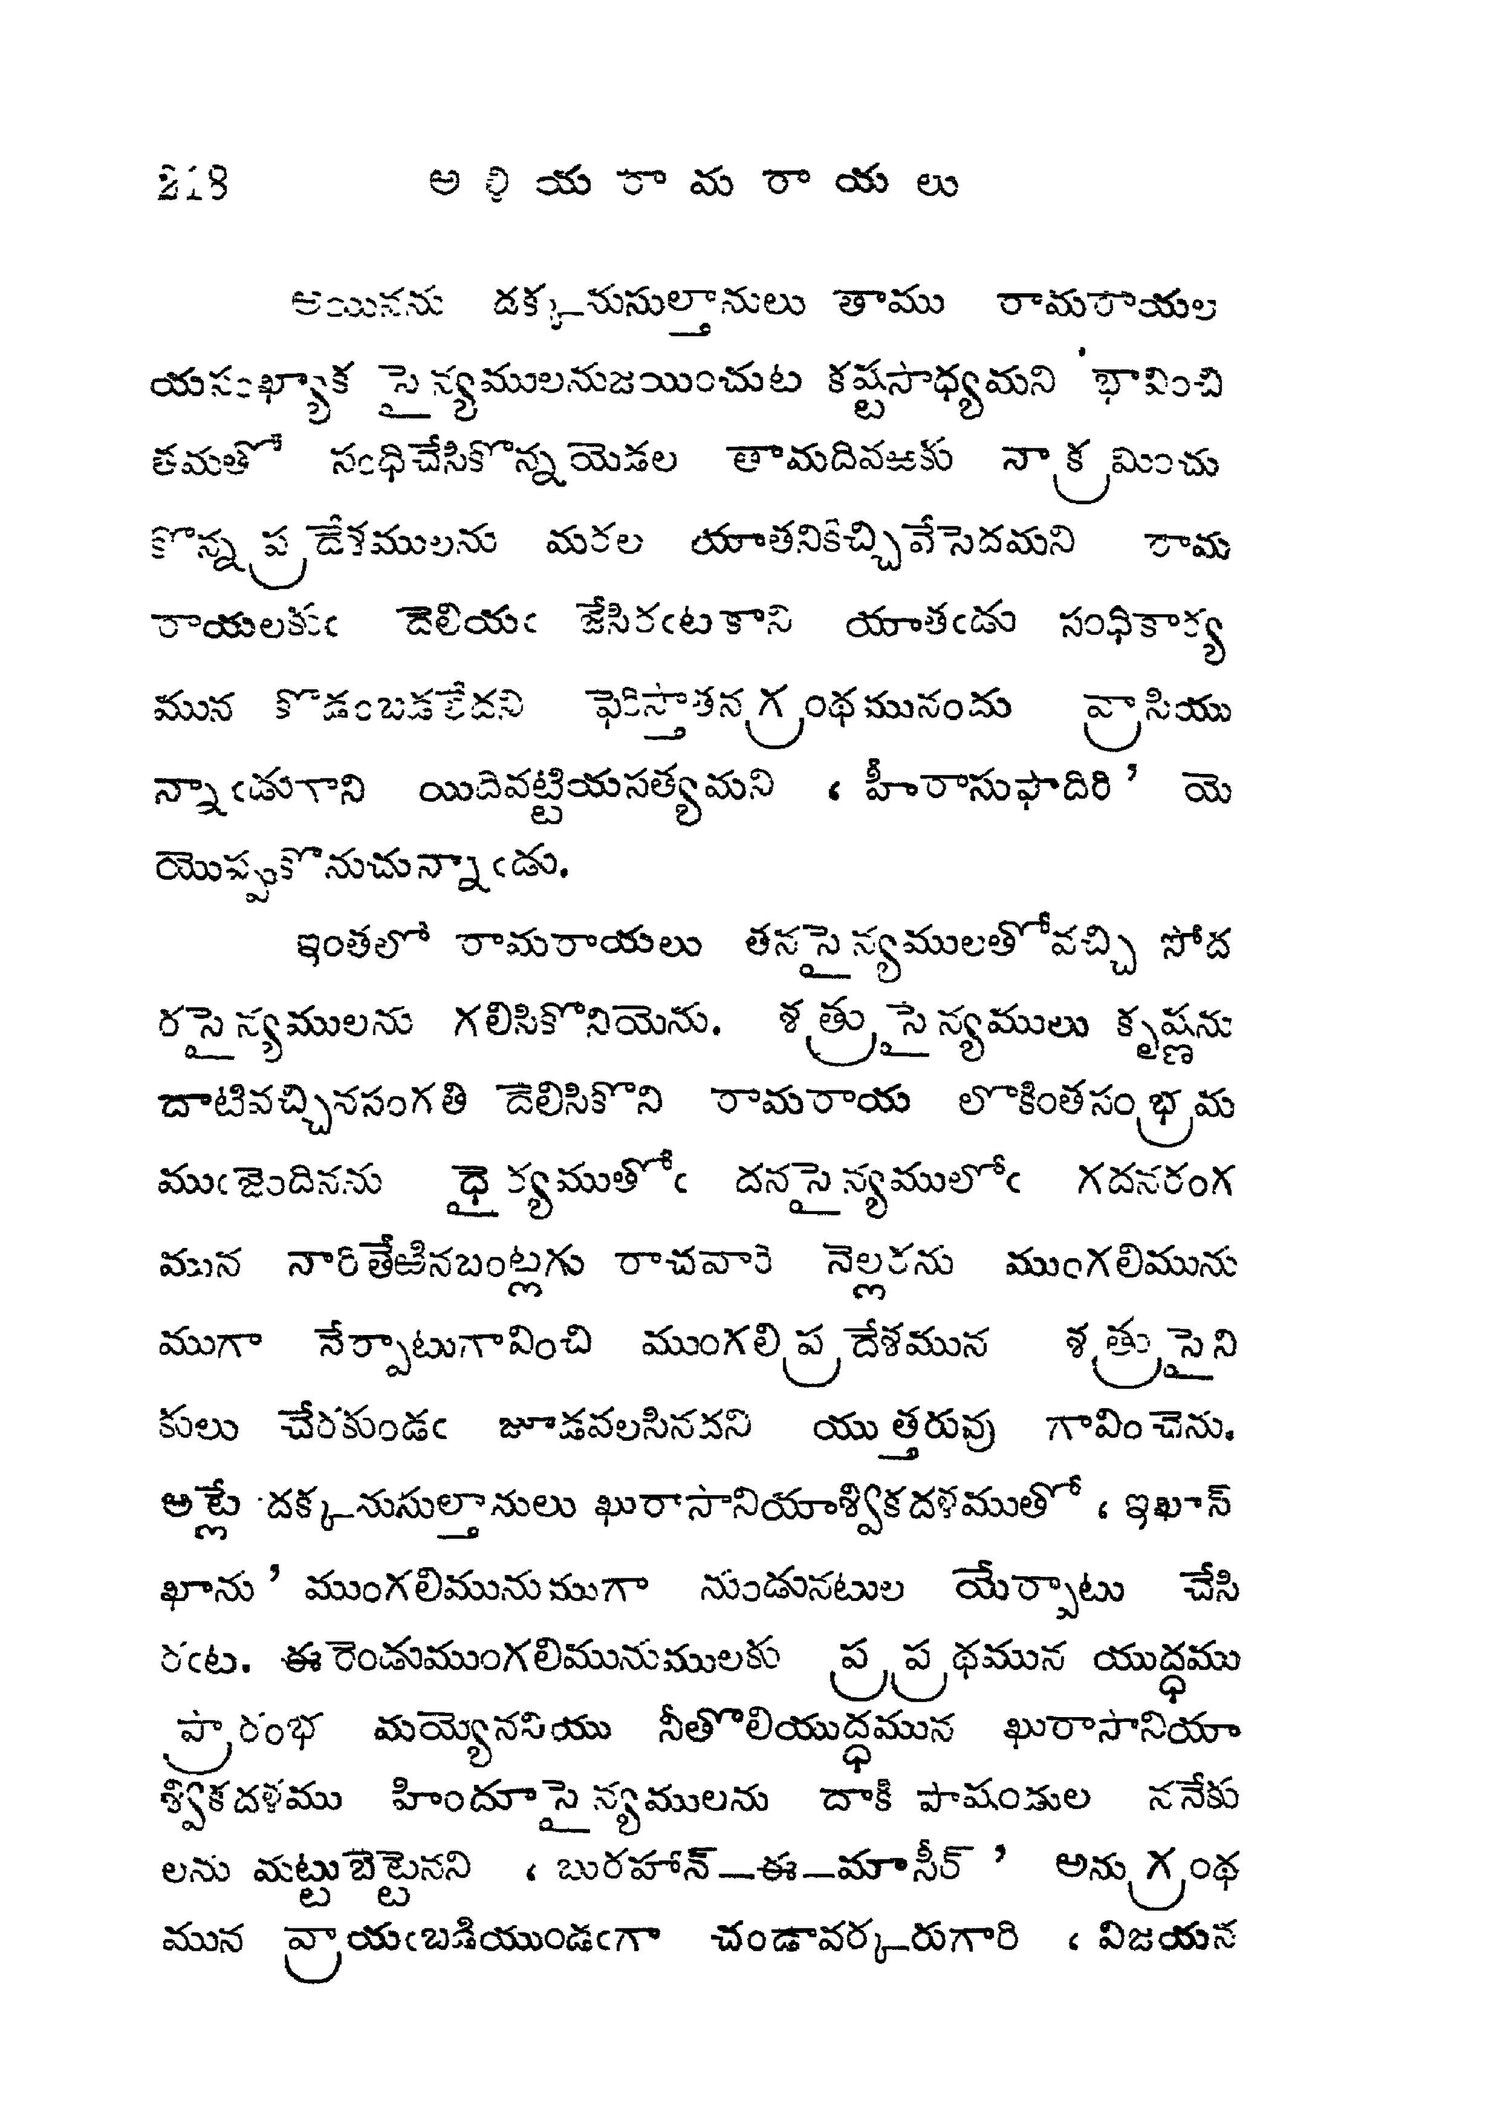అయినను దక్కనుసుల్తానులు తాము రామరాయల యసంఖ్యాక సైన్యములనుజయించుట కష్టసాధ్యమని భావించి తమతో సంధిచేసికొన్నయెడల తామదివఱకు నాక్రమించుకొన్న ప్రదేశములను మరల యాతనికిచ్చివేసెదమని రామరాయలకు దెలియ జేసిరటకాని యాతడు సంధికార్యమున కొడంబడలేదని ఫెరిస్తా తనగ్రంథమునందు వ్రాసియున్నాడుగాని యిదివట్టియసత్యమని 'హీరాసుఫాదిరి' యె యొప్పుకొనుచున్నాడు.

ఇంతలో రామరాయలు తనసైన్యములతోవచ్చి సోదరసైన్యములను గలిసికొనియెను. శత్రుసైన్యములు కృష్ణను దాటివచ్చినసంగతి దెలిసికొని రామరాయ లొకింతసంభ్రమముజెందినను ధైర్యముతో దనసైన్యములో గదనరంగమున నారితేఱినబంట్లగు రాచవారి నెల్లరను ముంగలిమునుముగా నేర్పాటుగావించి ముంగలిప్రదేశమున శత్రుసైనికులు చేరకుండ జూడవలసినదని యుత్తరువు గావించెను. అట్లే దక్కనుసుల్తానులు ఖురాసాని యాశ్వికదళముతో 'ఇఖాన్‌ఖాను' ముంగలిమునుముగా నుండునటుల యేర్పాటు చేసిరట. ఈరెండుముంగలిమునుములకు ప్రప్రథమున యుద్ధము ప్రారంభ మయ్యెననియు నీతొలియుద్ధమున ఖురాసానియాశ్వికదళము హిందూసైన్యములను దాకి పాషండుల ననేకులను మట్టుబెట్టెనని 'బురహాన్ - ఈ - మాసీర్‌' అనుగ్రంథమున వ్రాయబడియుండగా చండావర్కరుగారి 'విజయన